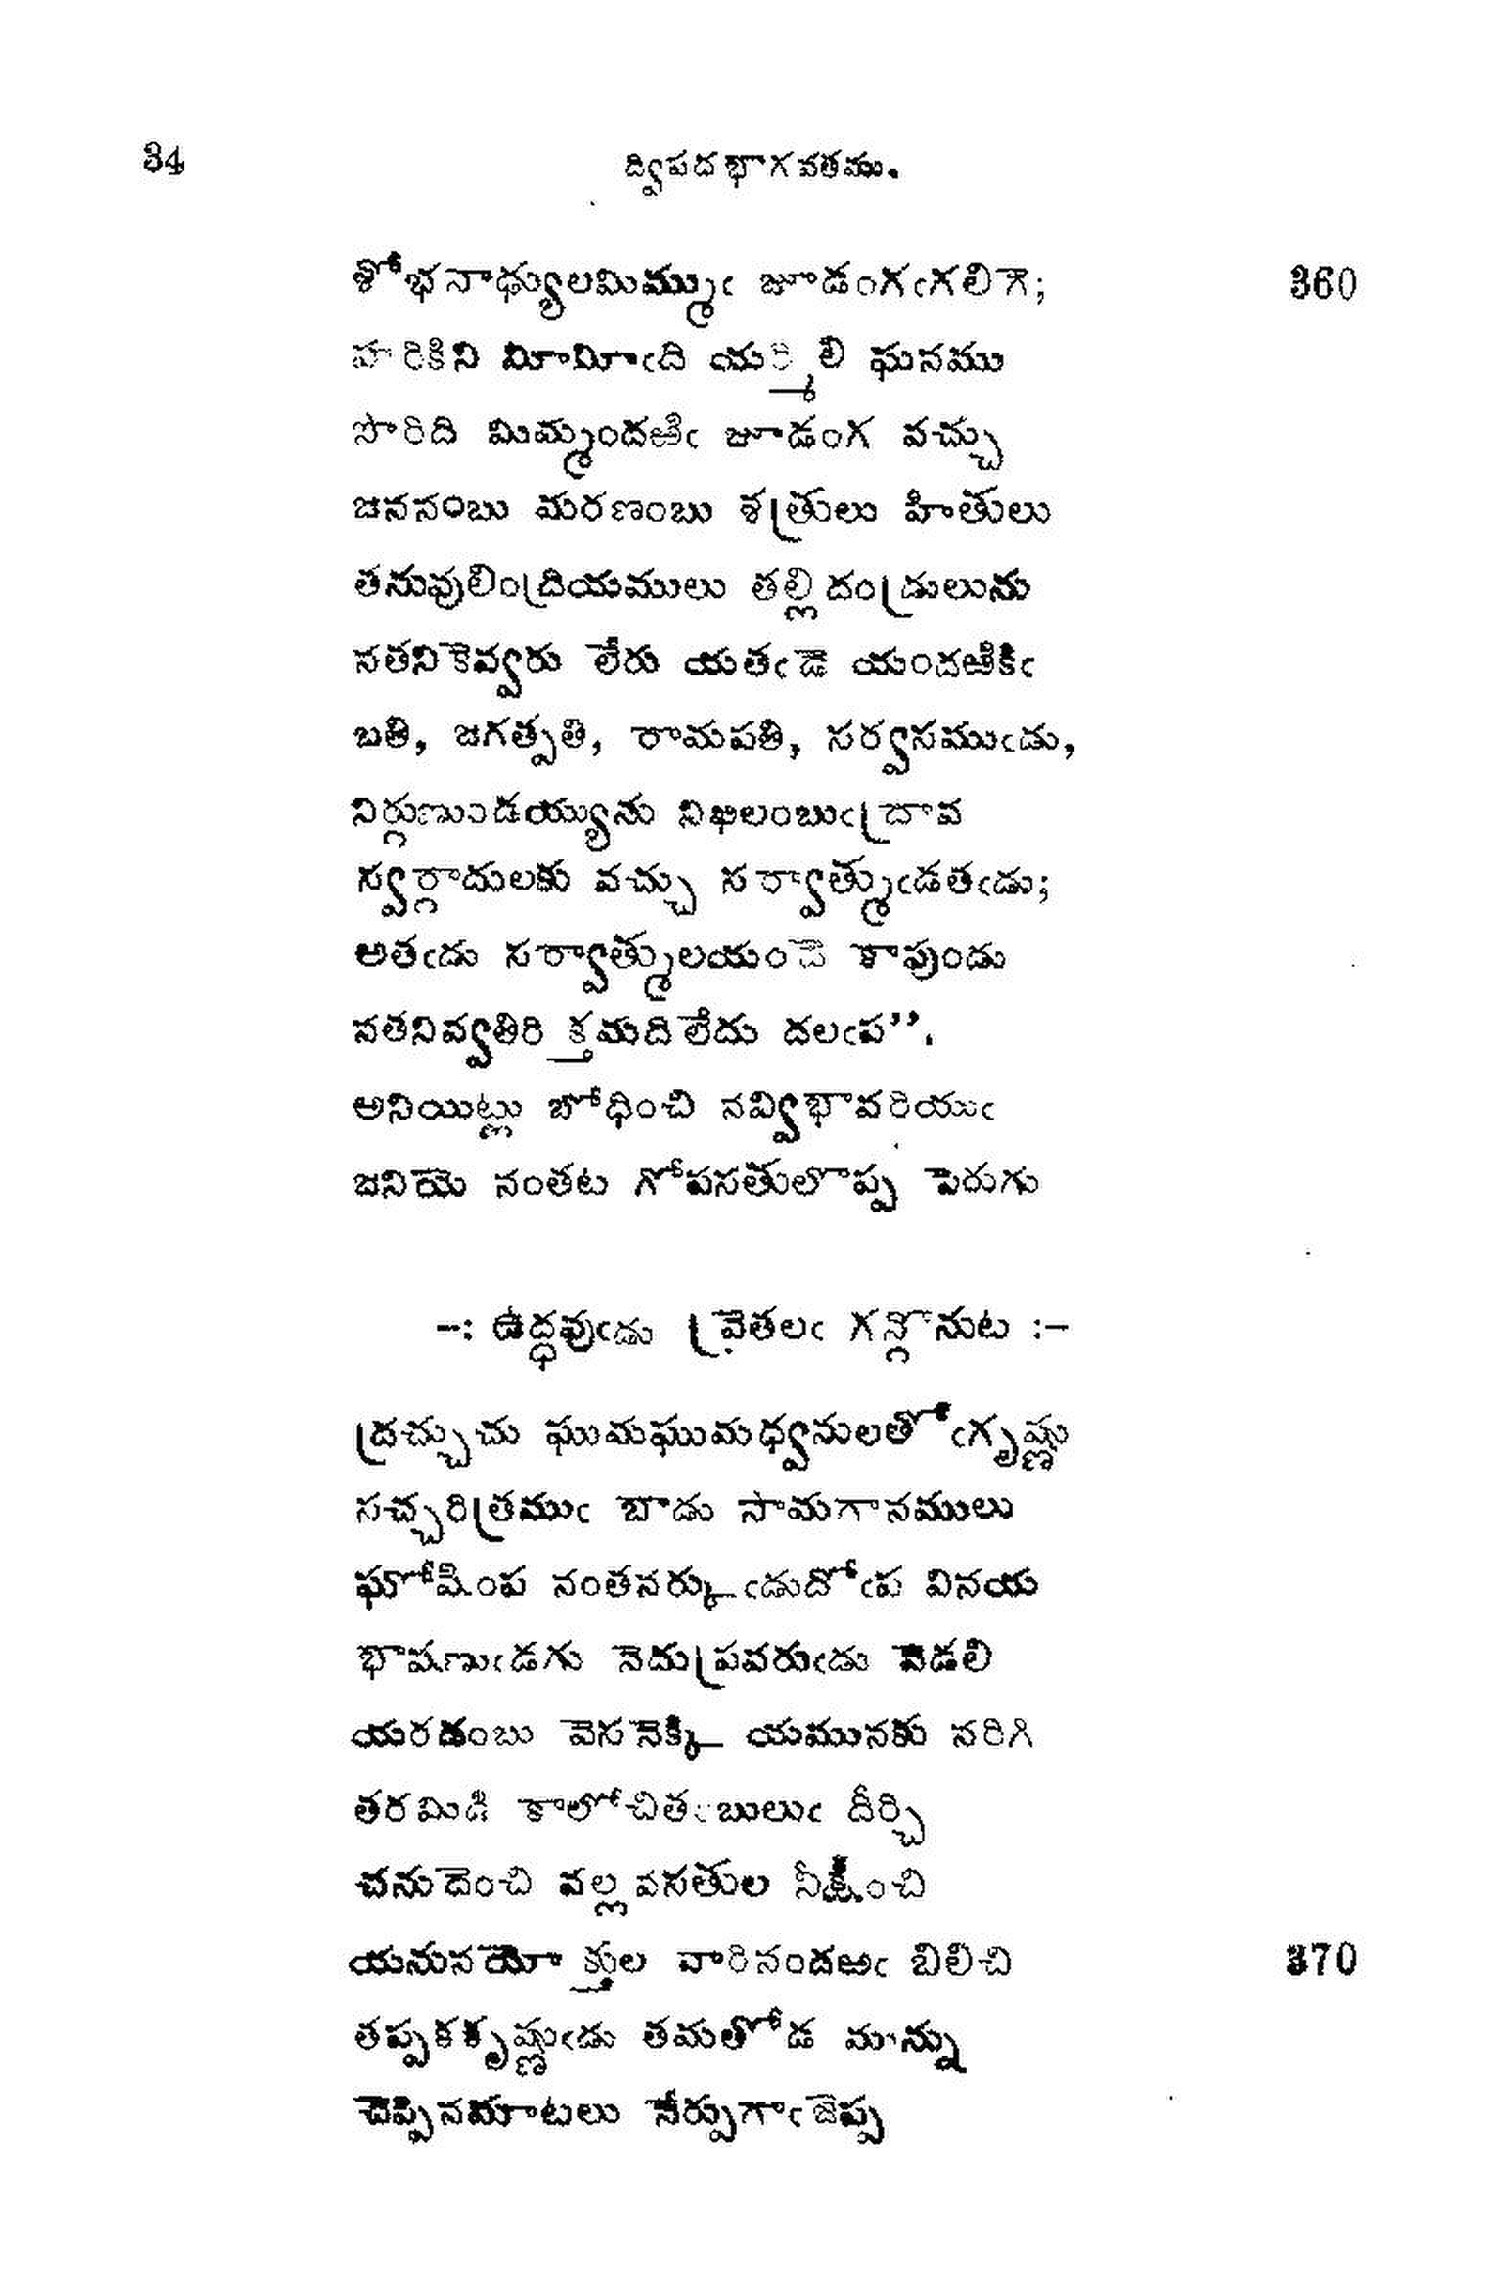శోభనాఢ్యుల మిమ్ముఁ జూడంగఁగలిగె;
హరికిని మీమీఁది యర్మిలి ఘనము
సొరిది మిమ్మందఱిఁ జూడంగ వచ్చు
జననంబు మరణంబు శత్రులు హితులు
తనువు లింద్రియములు తల్లిదండ్రులును
నతని కెవ్వరు లేరు యతఁడె యందఱికిఁ
బతి, జగత్పతి, రామపతి, సర్వసముఁడు,
నిర్గుణుండయ్యును నిఖిలంబుఁ ద్రావ
స్వర్గాదులకు వచ్చు సర్వాత్ముఁ డతఁడు;
అతఁడు సర్వాత్ములయందె కాపుండు
నతనివ్వతిరిక్తమది లేదు దలఁప”.
అనియిట్లు బోధించి నవ్విభావరియుఁ
జనియె నంతట గోపసతు లొప్ప పెరుగు

ద్రచ్చుచు ఘుమఘుమధ్వనులతోఁ గృష్ణు
సచ్చరిత్రముఁ బాడు సామగానములు
ఘోషింప నంత నర్కుఁడు దోఁప వినయ
భాషణుఁడగు నెదుప్రవరుఁడు వెడలి
యరదంబు వెసనెక్కి యమునకు నరిగి
తరమిడి కాలోచితంబులు దీర్చి
చనుదెంచి వల్లవసతుల నీక్షించి
యనునయోక్తుల వారినందఱఁ బిలిచి
తప్పక కృష్ణుఁడు తమతోడ మున్ను
చెప్పినమాటలు నేర్పుగాఁ జెప్ప